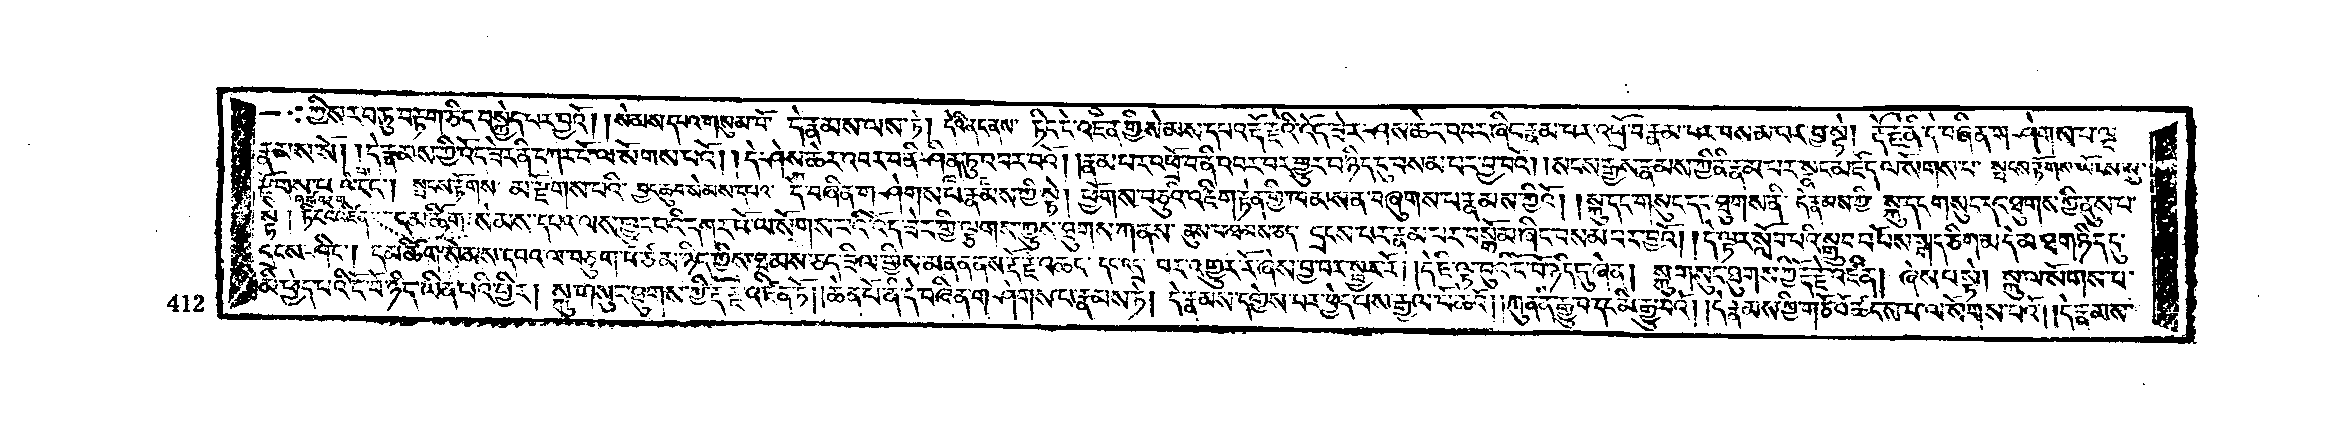.H ཡིས་རབ་ཏུ་བརྟག་ཅིང་བསྐྱེད་པར་བྱའོ། ། སེམས་དཔའ་གསུམ་པོ་དེ་རྣམས་ལས་ཏེ། དེའི་ནང་ནས་ཏིང་ངེ་འཛིན་གྱི་སེམས་དཔའ་རྡོ་རྗེའི་འོད་ཟེར་ཤས་ཆེར་འབར་ཞིང་རྣམ་པར་འཕྲོ་བ་རྣམ་པར་བསམ་པར་བྱ་སྟེ། རྡོ་རྗེ་ནི་དེ་བཞིན་གཤེགས་པ་ལྔ་
རྣམས་སོ། །དེ་རྣམས་ཀྱི་འོད་ཟེར་ནི་དཀར་པོ་ལ་སོགས་པའོ། །དེ་ཤས་ཆེར་འབར་བ་ནི་ཤིན་ཏུ་འབར་བའོ། །རྣམ་པར་འཕྲོ་བ་ནི་འབར་བར་གྱུར་པ་ཉིད་དུ་བསམ་པར་བྱ་བའོ། །སངས་རྒྱས་རྣམས་ཀྱི་ནི་རྣམ་པར་སྣང་མཛད་ལ་སོགས་པ་སྤངས་རྟོགས་ཡོངས་སུ་
རྫོགས་པའི་དང་། སྤངས་རྟོགས་མ་རྫོགས་པའི་བྱང་ཆུབ་སེམས་དཔའ་ཀ་དེ་བཞིན་གཤེགས་ཁ་པ་རྣམས་ཀྱི་སྟེ། ཕྱོགས་བཅུའི་འཇིག་རྟེན་གྱི་ཁམས་ན་བཞུགས་པ་རྣམས་ཀྱིའོ། །སྐུ་དང་གསུང་དང་ཐུགས་ནི་དེ་རྣམས་ཀྱི་སྐུ་དང་གསུང་དང་ཐུགས་ཀྱི་ནུས་པ་
སྟེ། པ་ཚབ་ཆག་ཏིང་ངེ་འཛིན་དམ་ཚིག་སེམས་དཔའ་ལས་བྱུང་བའི་དཀར་པོ་ལ་སོགས་པའི་འོད་ཟེར་གྱི་ལྕགས་ཀྱུས་ཐུགས་ཀ་ནས་ནུས་པ་ཐམས་ཅད་དྲངས་པར་རྣམ་པར་བསྒོམ་ཞིང་བསམ་པར་བྱའོ། །དེ་ལྟར་སློབ་པའི་སྒྲུབ་པ་པོས་སྐད་ཅིག་མ་དེ་མ་ཐག་ཉིད་དུ་
དྲངས་ཤིང་། དམ་ཚིག་སེམས་དཔའ་ལ་བཅུག་པ་ཙམ་ཉིད་ཀྱིས་ཐམས་ཅད་ཟིལ་གྱིས་མནན་ནས་རྡོ་རྗེ་འཆང་དང་འདྲ་བར་འགྱུར་རོ་ཞེས་བྱ་བར་སྦྱར་རོ། །དེ་ཇི་ལྟ་བུའི་ངོ་བོ་ཉིད་དུ་ཞེ་ན། སྐུ་གསུང་ཐུགས་ཀྱི་རྡོ་རྗེ་འཛིན། ཞེས་པ་སྟེ། སྐུ་ལ་སོགས་
མི་ཕྱེད་པའི་ངོ་བོ་ཉིད་ཡིན་པའི་ཕྱིར། སྐུ་གསུང་ཐུགས་ཀྱི་རྡོ་རྗེ་འཛིན་ཏོ། །ཆེན་པོ་ནི་དེ་བཞིན་གཤེགས་པ་རྣམས་ཏེ། དེ་རྣམས་དགྱེས་པར་བྱེད་པས་རྒྱལ་པོ་ཆེའོ། །ཀུན་ནི་རྒྱུ་བ་དང་མི་རྒྱུ་བའོ། །དེ་རྣམས་ཀྱི་གཙོ་བོ་ཚངས་པ་ལ་སོགས་པའོ། །དེ་རྣམས་